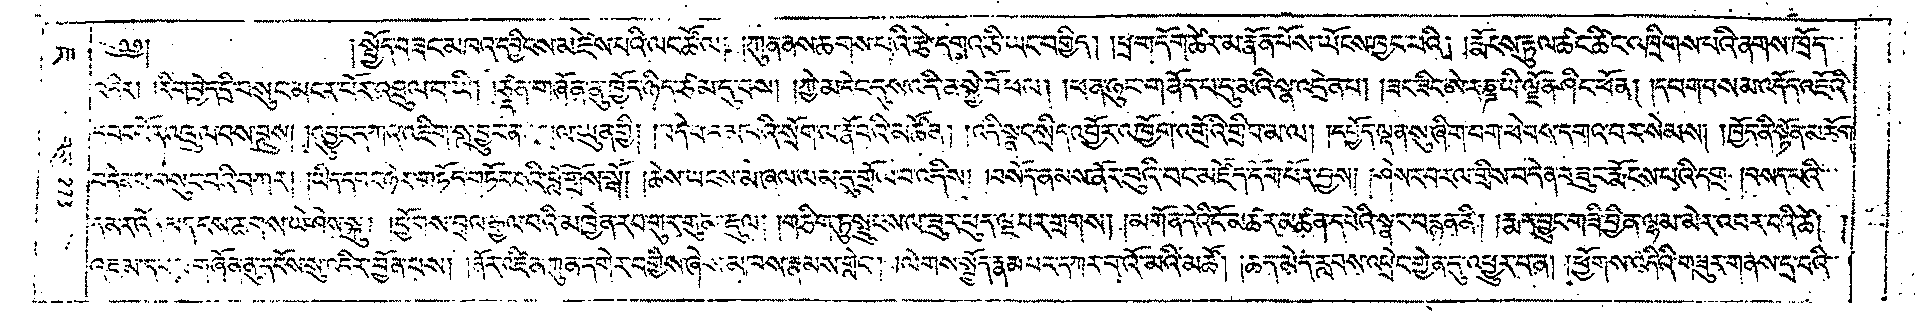༄༅། །སྤྱོད་བཟང་མཁའ་དབྱིངས་མཛེས་པའི་ལང་ཚོ་ལ། །ཀུན་ནས་ཆགས་པའི་རྩེ་དགའ྾་ཅི་ཡང་བགྱིད། །ཕྲག་དོག་ཚེར་མ་རྣོན་པོས་ཡོངས་ཁྱབ་པའི། །རྨོངས་རྟུལ་ཚང་ཚིང་འཁྲིགས་པའི་ནགས་ཁྲོད་
འདིར། །རིག་བྱེད་དྲི་བསུང་མངར་པོར་འཐུལ་བ་ཡི། །ཙནྡན་གཞོན་ནུ་ཁྱོད་ཉིད་ཙམ་དུ་བས། །ཀྱེ་མ་དེང་དུས་འདི་ན་སྐྱེ་བོ་ཕལ། །ཕན་ཉུང་གནོད་པ་དུ་མའི་སྣ་འདྲེན་པ། །ཟང་ཟིང་ཨེ་རཎྜ་ཡི་ལྗོན་ཤིང་ཕོན། །དཔག་བསམ་འདོད་འཇོའི་
དབང་པོར་འཁྲུལ་བས་བླུས། །འབྱུང་དཀའ་འཇིག་སླ་བྱུང་ན་འཕྲལ་ཡུན་གྱི། །བདེ་བ་དམ་པའི་སྲོག་ལ་རྣོ་བའི་མཚོན། །འདི་སྣང་སྲིད་འབྱོར་འཁྱོག་འགྲོའི་གྲིབ་མ་ལ། །དཔྱོད་ལྡན་སུ་ཞིག་བག་ཕེབས་དགའ་བར་སེམས། །ཁྱོད་ནི་སྟོན་མཆོག་
བདེན་པ་གསུང་བའི་བཀར། །ཡིད་དབང་ཉེར་གཏོད་གཏོང་པའི་བློ་གྲོས་སྒོ། །ཆེས་ཡངས་མེ་ཞལ་ལམ་དུ་གྲོལ་བ་འདིས། །བསོད་ནམས་ནོར་བུའི་བང་མཛོད་དོག་པོར་བྱས། །ཤེས་རབ་རལ་གྲིས་བདེན་བཟུང་རྨོངས་པའི་དགྲ་།བསད་པའི་
དམར་འོད་མདངས་ཆགས་ཡེ་ཤེས་སྐུ། །ཕྱོགས་བྲལ་རྒྱལ་བའི་མཁྱེན་རབ་གུར་གུམ་རྡུལ། །གཅིག་ཏུ་སྤུངས་ལ་ཟུར་ཕུད་ལྔ་པར་གྲགས། །མགོན་དེའི་ངོ་མཚར་མཚན་དཔེའི་སྣང་བརྙན་ནི། །རྨད་བྱུང་གཟི་བྱིན་ལྷམ་མེར་འབར་བའི་ཚེ། །
འཇམ་དཔལ་གཞོན་ནུ་དངོས་སུ་འདིར་བྱོན་པས། །ནོར་འཛིན་ཀུན་དགེར་བགྱིས་ཞེས་མཁས་རྣམས་གླེང་། །ལེགས་སྤྱོད་རྣམ་པར་དཀར་བ་འོ་མའི་མཚོ། །ཆད་མེད་རླབས་འཕྲེང་གྱེན་དུ་འཕྱུར་བ་ན། །ཕྱོགས་འདིའི་གཟུར་གནས་དྲ་བའི་